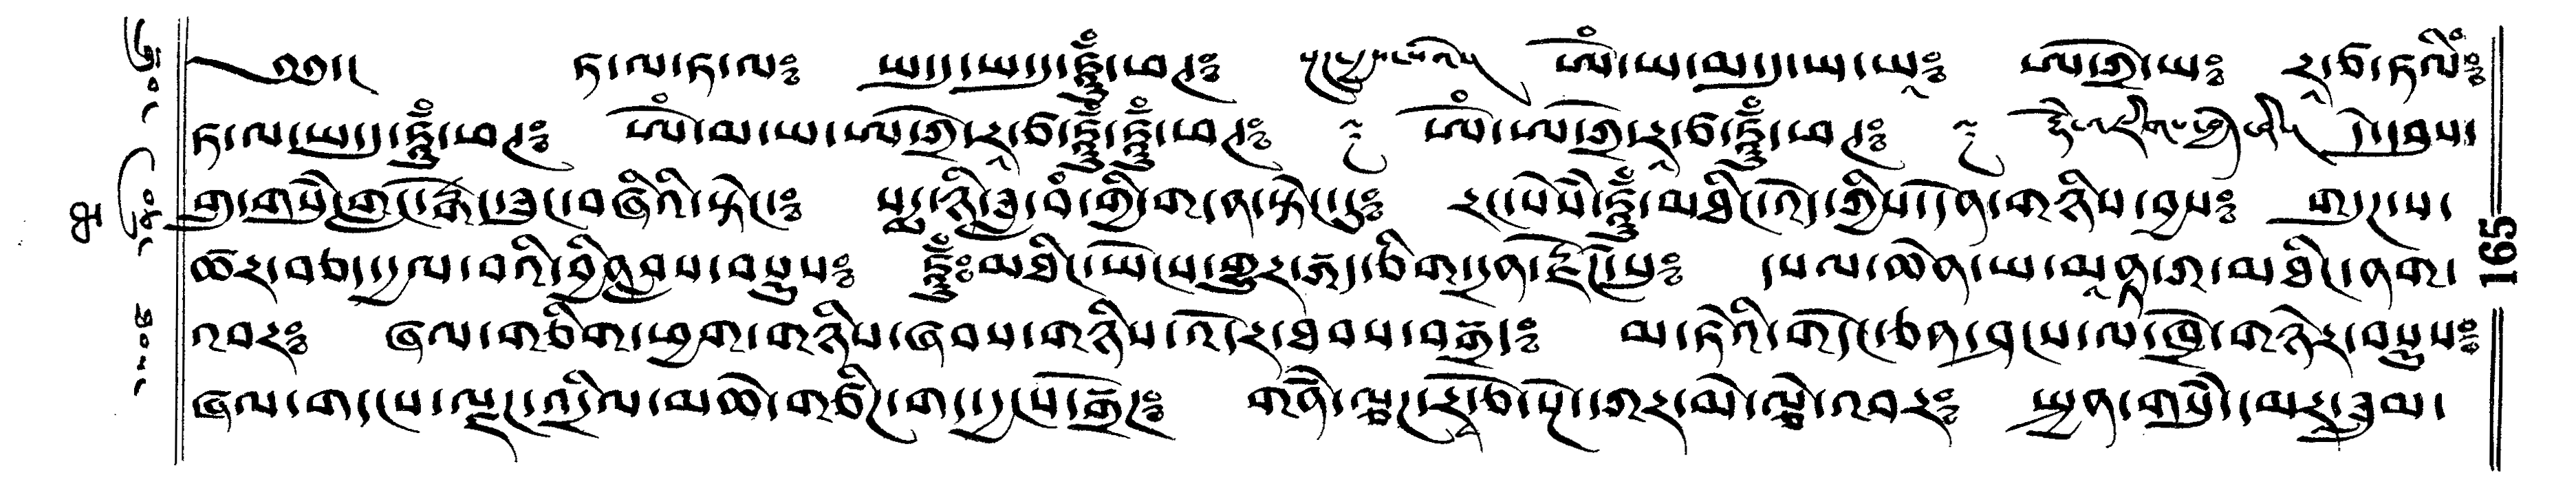ཧ་ལ་ཧ་ལ༔ ཡ་དུ་ཡ་དུ་ཧཱུྃ་ཕཊ༔ སྔགས་རྒྱས་པའོ། ཨོཾ་ཡ་མ་དུ་ཡ་ཡཱ༔ ཨ་ཀྲོ་ཡ༔ རཱ་ཙ་ཧལིཾ༔ 
ཧ་ལ་ཡ་དུ་ཧཱུྃ་ཕཊ༔ ཨོཾ་མ་ཡ་ཨ་ཀྲོ་རཱ་ཙ་ཧཱུྃ་ཧཱུྃ་ཕཊ༔ ༈ ཨོཾ་ཨ་ཀྲོ་རཱ་ཙ་ཧཱུྃ་ཕཊ༔ ༈ རྡོ་རྗེ་འཇིགས་བྱེད་ནི། དེ་དབུས་
གྲུ་གསུམ་གླང་རྒོད་ཟུང་བཞིའི་སྟེང༔ པདྨ་ཉི་ཟླ་བམ་གྱི་གདན་སྟེང་དུ༔ རང་སེམས་ཧཱུྃ་མཐིང་འོད་ཀྱིས་དོན་གཉིས་བྱས༔ གདུག་པ་
ཚར་བཅད་རྒྱལ་བའི་བྱིན་རླབས་བསྡུས༔ ཧཱུྃ༔ མཐིང་ཡོངས་གྱུར་སྐད་ཅིག་དྲན་རྫོགས་སུ༔ དཔལ་ཆེན་ཡ་མཱནྟ་ཀ་མཐིང་ནག་
འབར༔ ཞལ་གཅིག་ཕྱག་གཉིས་ཞབས་གཉིས་དོར་སྟབས་བསྒྲད༔ མ་ཧེའི་གདོང་ཅན་ཤངས་ལ་ཁྲོ་གཉེར་བསྡུས༔ 
ཞལ་གདངས་ལྗགས་འདྲིལ་མཆེ་གཙིགས་གད་རྒྱངས་སྒྲོག༔ གནམ་ལྕགས་རྭ་ཅོ་སྔོ་དཀར་མེ་ལྕེ་འབར༔ སྤྱན་གསུམ་དམར་ཟླུམ་